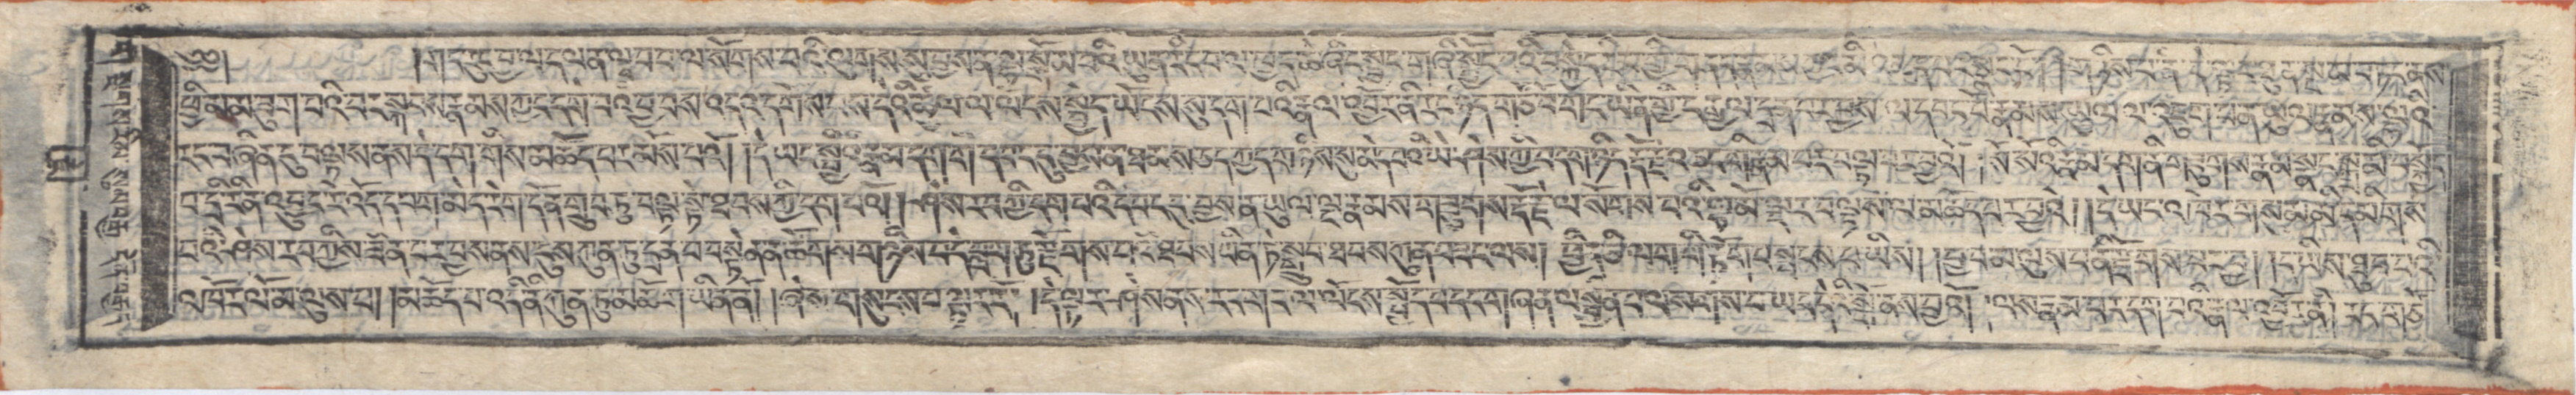༄༅། །གང་རུང་བྱ་ལ་དལ་ན་ལྭ་བ་བ་ལ་སོགས་པའི་ལུགས་སུ་བྱས་ན་ལྷ་སྒོམ་པའི་ཡུན་རིང་བ་ལ་ཁྱད་ཆེ་ཞིང་སྦྱང་གཞི་སྦྱོང་བའི་བསྐྱེད་རིམ་གྱི་གནད་རྣམས་ཀྱང་མི་འཆད་པར་སྣང་ངོ། །གཉིས་པ་ནི་དེ་ལྟར་ཐུན་སྔ་མ་བཏང་ནས་
ཕྱི་མ་མ་ཟུག་བའི་བར་སྐབས་རྣམས་ཀྱང་དགེ་བའི་བྱ་བས་འདའ་དགོས་པས་དེའི་ཚུལ་ལ་ལོངས་སྤྱོད་ཡོངས་སུ་དག་པའི་རྣལ་འབྱོར་ནི་རང་ཉིད་གཙོ་བོ་གང་ཡིན་གྱི་ང་རྒྱལ་དྲན་པར་བྱས་ལ་དབང་པོ་རྣམས་ཡུལ་ལ་འཇུག་པ་ན་ཡུལ་རྣམས་ལྷའི་
རང་བཞིན་དུ་བལྟས་ནས་དེ་དག་གིས་མཆོད་པར་མོས་པའོ། །དེ་ཡང་སྤྱིའི་རྣམ་དག་གི་དབང་དུ་བྱས་ན་ཐམས་ཅད་ཀྱང་གཉིས་སུ་མེད་པའི་ཡེ་ཤེས་ཀྱི་བདག་ཉིད་རྡོ་རྗེ་འཆང་གི་རྣམ་པར་བལྟ་བར་བྱའོ། །སོ་སོའི་རྣམ་དག་ནི་གཟུགས་རྣམ་སྣང་སྒྲ་མི་བསྐྱོད་
བ་དྲི་རིན་འབྱུང་རེ་འོད་དཔག་མེད་རེག་དོན་གྲུབ་ཏུ་བལྟ་སྟེ་ཐབས་ཀྱི་དག་པའོ། །ཤེས་རབ་ཀྱི་དག་པའི་དབང་དུ་བྱས་ན་ཡུལ་ལྔ་རྣམས་གཟུགས་རྡོ་རྗེ་ལ་སོགས་པའི་ལྷ་མོ་ལྔར་བལྟས་ལ་མཆོད་པར་བྱའོ། །དེ་ཡང་འཁོར་གསུམ་མི་དམིགས་
པའི་ཤེས་རབ་ཀྱིས་ཟིན་པར་བྱས་ནས་དུས་ཀུན་ཏུ་དྲན་པ་བསྟེན་ན་ཚོགས་གཉིས་པ་དེ་བླག་ཏུ་རྫོགས་པའི་ཐབས་ཡིན་ཏེ་སྒྲུབ་ཐབས་ཀུན་བཟང་ལས། ཕྱིན་ཅི་ལོག་གི་རྟོག་པ་སྤངས་པ་ཡིས། །བྱ་བ་མ་ལུས་པ་ནི་རྫོགས་པར་བྱ། །དེ་ཡིས་ཐུབ་པའི་
འཁོར་ལོ་མ་ལུས་པ། །མཆོད་པ་འདི་ནི་ཀུན་ཏུ་མཆོག་ཡིན་ནོ། །ཞེས་གསུངས་པ་ལྟར་རོ། །དེ་ལྟར་ཤེས་ནས་རང་གང་ལ་ལོངས་སྤྱོད་པ་དང་གཞན་ལ་སྦྱིན་པ་ལ་སོགས་པ་ཡང་དེའི་སྒོ་ནས་བྱའོ། །ལས་རྣམ་པར་དག་པའི་རྣལ་འབྱོར་ནི། རང་གཙོ་